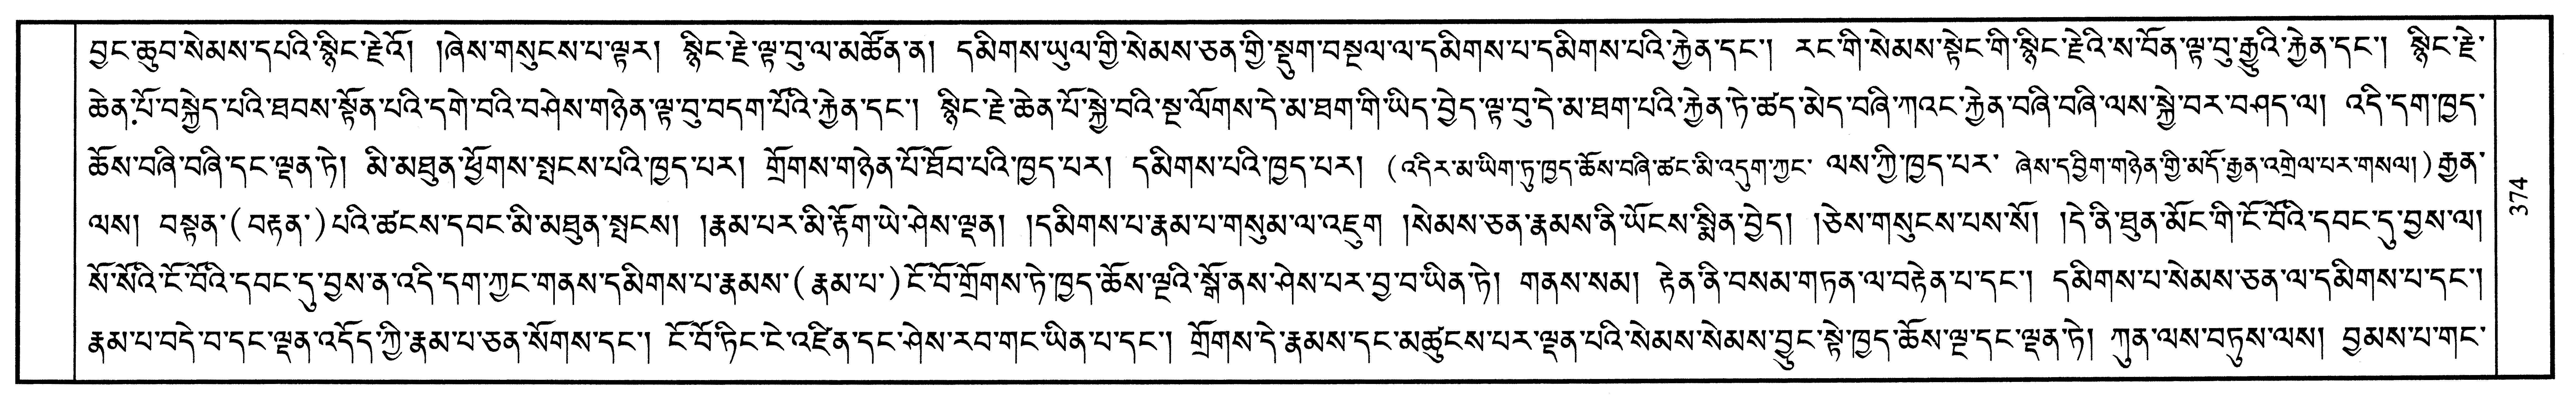བྱང་ཆུབ་སེམས་དཔའི་སྙིང་རྗེའོ། །ཞེས་གསུངས་པ་ལྟར། སྙིང་རྗེ་ལྟ་བུ་ལ་མཚོན་ན། དམིགས་ཡུལ་གྱི་སེམས་ཅན་གྱི་སྡུག་བསྔལ་ལ་དམིགས་པ་དམིགས་པའི་རྐྱེན་དང་། རང་གི་སེམས་སྟེང་གི་སྙིང་རྗེའི་ས་བོན་ལྟ་བུ་རྒྱུའི་རྐྱེན་དང་། སྙིང་རྗེ་
ཆེན་པོ་བསྐྱེད་པའི་ཐབས་སྟོན་པའི་དགེ་བའི་བཤེས་གཉེན་ལྟ་བུ་བདག་པོའི་རྐྱེན་དང་། སྙིང་རྗེ་ཆེན་པོ་སྐྱེ་བའི་སྔ་ལོགས་དེ་མ་ཐག་གི་ཡིད་བྱེད་ལྟ་བུ་དེ་མ་ཐག་པའི་རྐྱེན་ཏེ་ཚད་མེད་བཞི་ཀའང་རྐྱེན་བཞི་ལས་སྐྱེ་བར་བཤད་ལ། འདི་དག་ཁྱད་
ཆོས་བཞི་བཞི་དང་ལྡན་ཏེ། མི་མཐུན་ཕྱོགས་སྤངས་པའི་ཁྱད་པར། གྲོགས་གཉེན་པོ་ཐོབ་པའི་ཁྱད་པར། དམིགས་པའི་ཁྱད་པར། འདིར་མ་ཡིག་ཏུ་ཁྱད་ཆོས་བཞི་ཚང་མི་འདུག་ཀྱང་ལས་ཀྱི་ཁྱད་པར་ཞེས་དབྱིག་གཉེན་གྱི་མདོ་རྒྱན་འགྲེལ་པར་གསལ།  རྒྱན་
ལས། བསྟན་བརྟན་པའི་ཚངས་དབང་མི་མཐུན་སྤངས། །རྣམ་པར་མི་རྟོག་ཡེ་ཤེས་ལྡན། །དམིགས་པ་རྣམ་པ་གསུམ་ལ་འཇུག ། སེམས་ཅན་རྣམས་ནི་ཡོངས་སྨིན་བྱེད། །ཅེས་གསུངས་པས་སོ། །དེ་ནི་ཐུན་མོང་གི་ངོ་བོའི་དབང་དུ་བྱས་ལ།
སོ་སོའི་ངོ་བོའི་དབང་དུ་བྱས་ན་འདི་དག་ཀྱང་གནས་དམིགས་པ་རྣམས་རྣམ་པ་ངོ་བོ་གྲོགས་ཏེ་ཁྱད་ཆོས་ལྔའི་སྒོ་ནས་ཤེས་པར་བྱ་བ་ཡིན་ཏེ། གནས་སམ། རྟེན་ནི་བསམ་གཏན་ལ་བརྟེན་པ་དང་། དམིགས་པ་སེམས་ཅན་ལ་དམིགས་པ་དང་།
རྣམ་པ་བདེ་བ་དང་ལྡན་འདོད་ཀྱི་རྣམ་པ་ཅན་སོགས་དང་། ངོ་བོ་ཏིང་ངེ་འཛིན་དང་ཤེས་རབ་གང་ཡིན་པ་དང་། གྲོགས་དེ་རྣམས་དང་མཚུངས་པར་ལྡན་པའི་སེམས་སེམས་བྱུང་སྟེ་ཁྱད་ཆོས་ལྔ་དང་ལྡན་ཏེ། ཀུན་ལས་བཏུས་ལས། བྱམས་པ་གང་